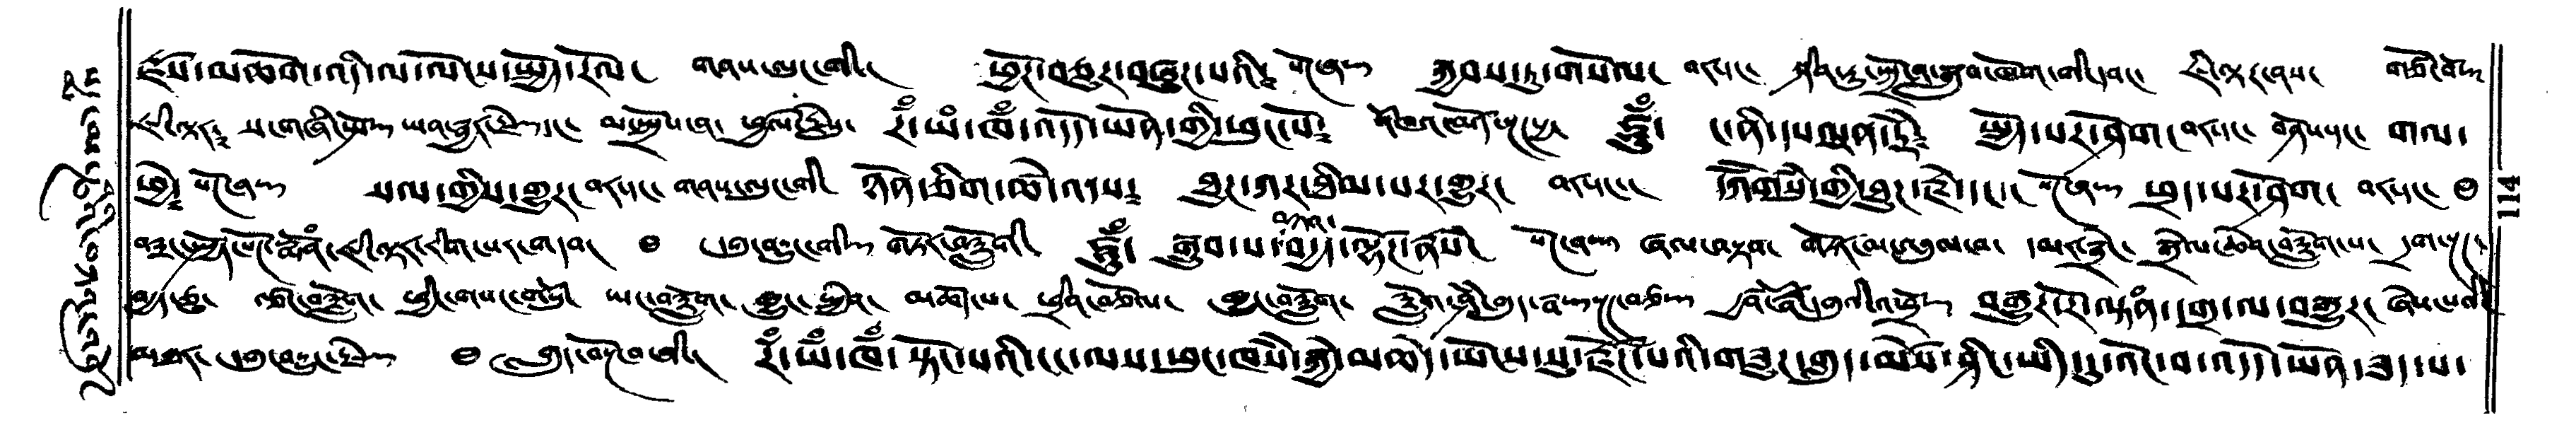༡༡༤༽ རྫས་མཆོག་འདི་ལ་ལོངས་སྤྱོད་རོལ། གནས་ལུང་གི ཕྱོགས་བཅུར་བཞུགས་པའི༴ སོགས་ནས། སྐྱོབ་ཏུ་གསོལ། བར་དང་། ཤིན་ཏུ་སྤྲོ་ན་སྒྲུབ་ཁོག་གི་དབང་། ཇི་ལྟར་ནས། གཙོ་བོས་
ཇི་ལྟར༴ ས་གཞི་སྤོས༴ ཡན་སྦྱར་རྗེས་དང་། མ་སྤྲོས་ན། ཕྱག་འཚལ་རྗེས་སུ། རྃ་ཡྃ་ཁྃ། འདོད་ཡོན་གྱི་ཕུང་པོ༴ ནམ་མཁའ་མཛོད་ཀྱི་སྔགས་རྒྱ། ཧཱུྃ། ང་ནི་དཔལ་ལྡན་རྡོ་རྗེ༴ སྤྱོད་པར་ཤོག བར་དང་། བཤོས་དང་། གལ་
ཏེ༴ སོགས་ནས། གསལ་གྱིས་གྱུར། བར་དང་། གནས་ལུང་གི ཉོན་ཅིག་ཚེ་འདས༴ ཐུགས་ཀར་ཐིམ་པར་གྱུར། བར་དང་། དཀོན་མཆོག་གསུམ་གྱི་ཐུགས་རྗེ་དང་། སོགས་ནས། འཕྲད་པར་ཤོག བར་དང་། 
བཟང་སྤྱོད་སོགས་སྨོན་ལམ་ཇི་ལྟར་རིགས་པ་གདབ། དགུ་རྡུང་གིས་གཏོར་བཟློག་གི ཧཱུྃ༔ སྒྲུབ་པ་བཀའ་བརྒྱད་ལྷ་ཚོགས་རྣམས༔ སོགས་ནས། ཞལ་བསྟབ། གཏོར་མ་འབུལ་བ། དམར་སྦྲེང་། སྒྲོལ་ཆེན་ཟློག་པ། དྲག་སྔགས་
བརྒྱད་ཅུ། རྩང་ཟློག ཕྱི་ནང་གསང་གསུམ། ཡང་ཟློག ཁྱུང་། སྤྱན་འདྲེན། མཆོད་པ། ཕྲིན་བཅོལ། ཁྱུང་ཟློག ཟློག་གཤམ་གུད་སྦས་སྔགས་བཅས། རྒྱན་ཙན་རྣམ་དགུའི་འཕྲོས། སྒྱུར་རོ་ལྟས་ངན་དགྲ་ལ་སྒྱུར༔ ཞེས་པའི་
མཐར། དགུ་རྡུང་རྗེས། གླུད་བསྔོ་བ་ནི། རྃ་ཡྃ་ཁྃཿསྟོང་པའི་ངང་ལས་ཕུང་ཁམས་སྐྱེ་མཆེད་ཡོངས་སུ་རྫོགས་པའི་གཟུགས་གླུད་མཛེས་ཤིང་ཡིད་དུ་འོང་བ་འདོད་ཡོན་ཟད་པ་